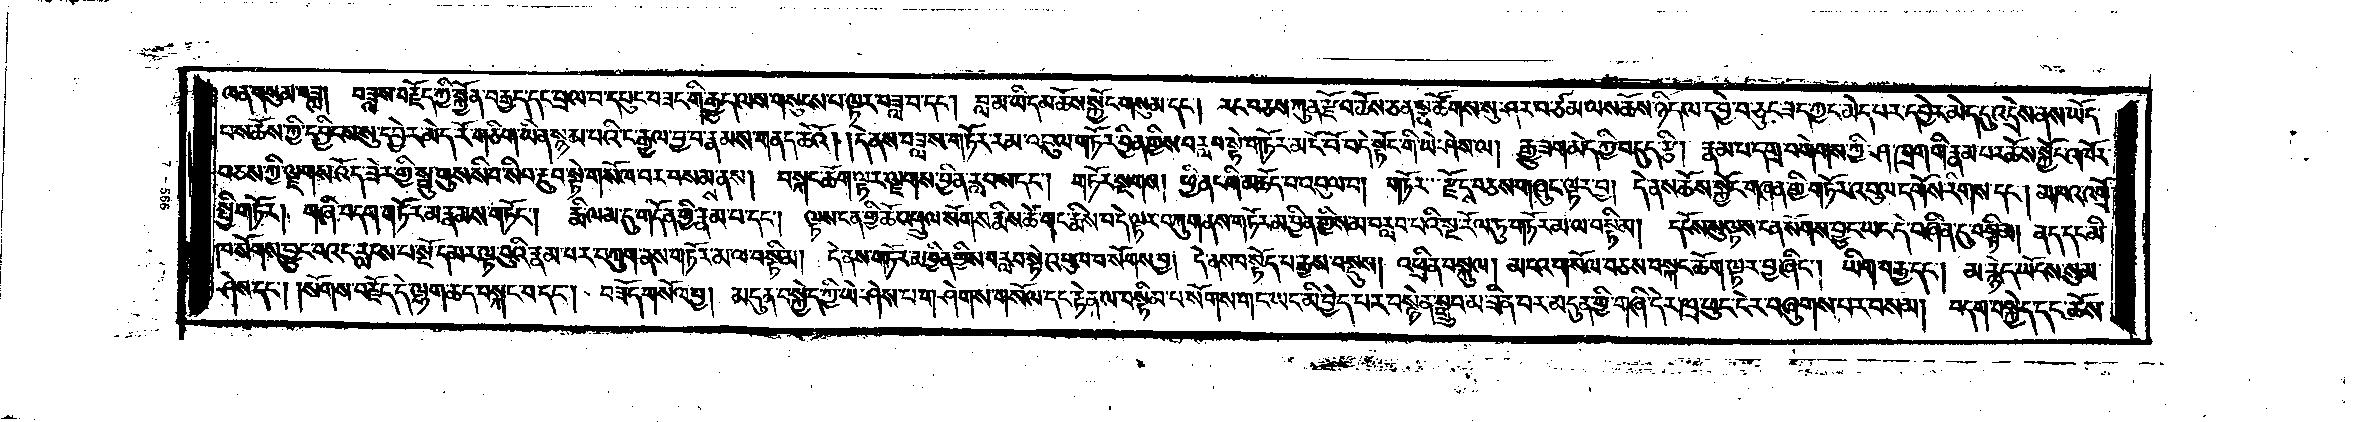ལན་གསུམ་བཟླ། བཟླས་བརྗོད་ཀྱི་སྐྱོན་བརྒྱད་དང་བྲལ་བ་དབུང་བཟང་གི་རྒྱུད་ལས་གསུངས་པ་ལྟར་བཟླ་བ་དང་། བླ་མ་ཡི་དམ་ཆོས་སྐྱོང་གསུམ་དང་། རང་བཅས་ཀུན་རྫོབ་ཆོས་ཅན་སྣ་ཚོགས་སུ་ཤར་པ་ཙམ་ལས་ཆོས་ཉིད་ལ་དབྱེ་བ་ཅུང་ཟད་ཀྱང་མེད་པར་དབྱེར་མེད་དུ་འབྲེལ་ནས་ཡོད་
པས་ཆོས་ཀྱི་དབྱིངས་སུ་དབྱེར་མེད་རོ་གཅིག་ཡིན་སྙམ་པའི་ང་རྒྱལ་བྱ་བ་རྣམས་གནད་ཆེའོ། །དེ་ནས་བཟླས་གཏོར་རམ་འབུལ་གཏོར་བྱིན་གྱིས་བརླབ་སྟི་གཏོར་མ་ངོ་བོ་བདེ་སྟོང་གི་ཡེ་ཤེས་ལ། རྒྱུ་ཟག་མེད་ཀྱི་བདུད་རྩི། རྣམ་པ་དགྲ་བགེགས་ཀྱི་ཤ་ཁྲག་གི་རྣམ་པར་ཆོས་སྐྱོང་འཁོར་
བཅས་ཀྱི་ལྗགས་འོད་ཟེར་གྱི་སྦུ་གུས་སིབ་སིབ་རྡུབ་སྟེ་གསོལ་བར་བསམས་ནས། བསྐང་ཆོག་ལྟར་ལྗགས་བྱིན་རླབས་དང་། གཏོར་སྔགས། ཕྱི་ནང་གི་མཆོད་བ་འབུལ་བ། གཏོར་རྫོངས་བཅས་གཞུང་ལྟར་བྱ། དེ་ནས་ཆོས་སྐྱོང་གཞན་གྱི་གཏོར་འབུལ་དགོས་རིགས་དང་། མཁའ་འགྲོ་
སྤྱི་གཏོར། གཞི་བདག་གཏོར་མ་རྣམས་གཏོང་། རྨི་ལམ་དུ་གདོན་གྱི་རྣམ་པ་དང་། ལྟས་ངན་གྱི་ཆོ་འཕྲུལ་སོགས་རྨིས་ཚེ་གང་རྨིས་བ་དེ་ལྟར་བཀུག་ནས་གཏོང་མ་བྱིན་གྱིས་མ་བརླབ་བའི་སྔ་རོལ་ཏུ་གཏོར་མ་ལ་བསྟིམ། དངོས་སུ་ལྟས་ངན་སོགས་བྱུང་ཡང་དེ་བཞིན་དུ་བསྟིམ། ནད་དང་མི་
ཁ་སོགས་བྱུང་བའང་རླངས་པ་སྔོ་དམར་ལྟ་བུའི་རྣམ་པར་བཀུག་ནས་གཏོར་མ་ལ་བསྟིམ། དེ་ནས་གཏོར་མ་བྱིན་གྱིས་བརླབ་སྟེ་འབུལ་བ་སོགས་བྱ། དེ་ནས་བསྟོད་པ་རྒྱས་བསྡུས། འཕྲིན་བསྐུལ། མངའ་གསོལ་བཅས་བསྐང་ཆོག་ལྟར་བྱ་ཞིང་། ཡིག་བརྒྱ་དང་། མ་རྙེད་ཡོངས་སུ་མ་
ཤེས་དང་། །སོགས་བརྗོད་དེ་ལྷག་ཆད་བསྐང་བ་དང་། བཟོད་གསོལ་བྱ། མདུན་བསྐྱེད་ཀྱི་ཡེ་ཤེས་པ་གཤེགས་གསོལ་དང་རྟེན་ལ་བསྟིམ་པ་སོགས་གང་ཡང་མི་བྱེད་པར་བསྙེན་སྒྲུབ་མ་ཟིན་པར་མདུན་གྱི་གཞི་དེར་ཁྲ་ཕུང་ངེར་བཞུགས་པར་བསམ། བདག་བསྐྱེད་དང་ཆོས་